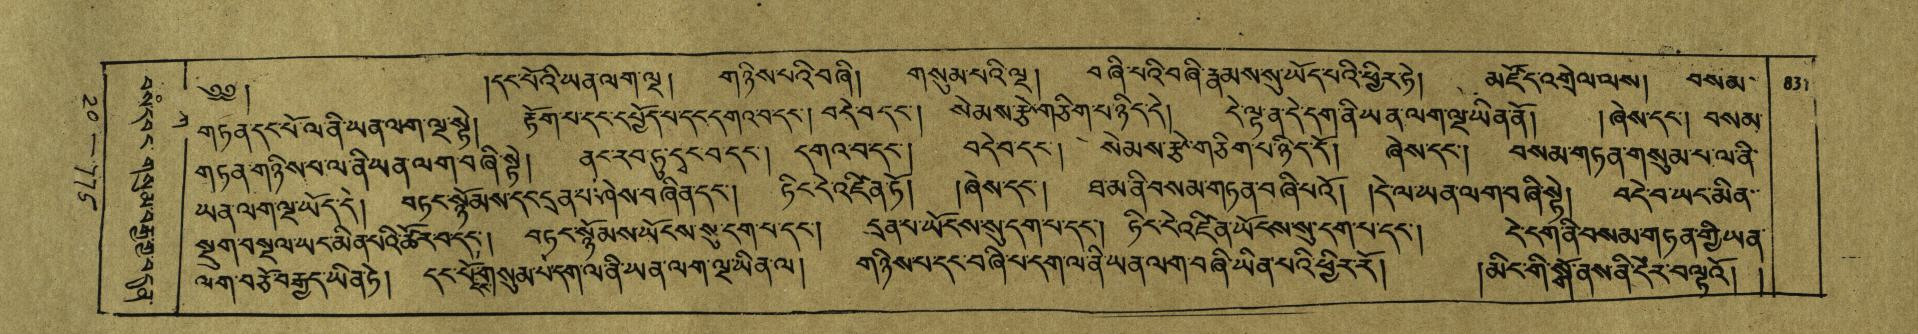༄༅། །དང་པོའི་ཡན་ལག་ལྔ། གཉིས་པའི་བཞི། གསུམ་པའི་ལྔ། བཞི་པའི་བཞི་རྣམས་སུ་ཡོད་པའི་ཕྱིར་ཏེ། མཛོད་འགྲེལ་ལས། བསམ་
གཏན་དང་པོ་ལ་ནི་ཡན་ལག་ལྔ་སྟེ། རྟོག་པ་དང་དཔྱོད་པ་དང་དགའ་བ་དང་། བདེ་བ་དང་། སེམས་རྩེ་གཅིག་པ་ཉིད་དེ། དེ་ལྟ་ན་དེ་དག་ནི་ཡན་ལག་ལྔ་ཡིན་ནོ། །ཞེས་དང་། བསམ་
གཏན་གཉིས་པ་ལ་ནི་ཡན་ལག་བཞི་སྟེ། ནང་རབ་ཏུ་དྭང་བ་དང་། དགའ་བ་དང་། བདེ་བ་དང་། སེམས་རྩེ་གཅིག་པ་ཉིད་དོ། །ཞེས་དང་། བསམ་གཏན་གསུམ་པ་ལ་ནི་
ཡན་ལག་ལྔ་ཡོད་དེ། བཏང་སྙོམས་དང་དྲན་པ་ཤེས་བཞིན་དང་། ཏིང་ངེ་འཛིན་ཏོ། །ཞེས་དང་། ཐ་མ་ནི་བསམ་གཏན་བཞི་པའོ། །དེ་ལ་ཡན་ལག་བཞི་སྟེ། བདེ་བ་ཡང་མིན་
སྡུག་བསྔལ་ཡང་མིན་པའི་ཚོར་བ་དང་། བཏང་སྙོམས་ཡོངས་སུ་དག་པ་དང་། དྲན་པ་ཡོངས་སུ་དག་པ་དང་། ཏིང་ངེ་འཛིན་ཡོངས་སུ་དག་པ་དང་། དེ་དག་ནི་བསམ་གཏན་གྱི་ཡན་
ལག་བཅོ་བརྒྱད་ཡིན་ཏེ། དང་པོ་དང་གསུམ་པ་དག་ལ་ནི་ཡན་ལག་ལྔ་ཡིན་ལ། གཉིས་པ་དང་བཞི་པ་དག་ལ་ནི་ཡན་ལག་བཞི་ཡིན་པའི་ཕྱིར་རོ། །མིང་གི་སྒོ་ནས་ནི་དེར་བལྟའོ། །